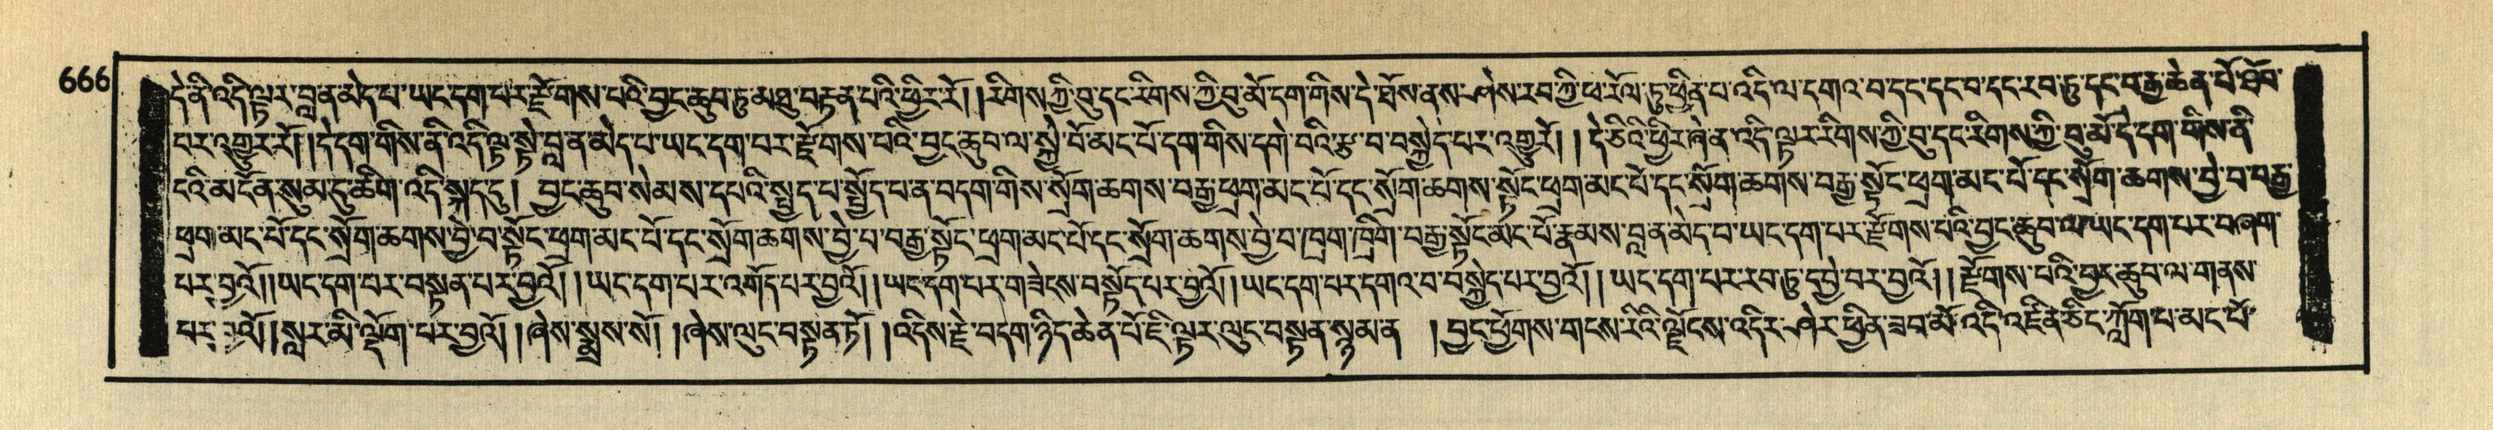དེ་ནི་འདི་ལྟར་བླ་ན་མེད་པ་ཡང་དག་པར་རྫོགས་པའི་བྱང་ཆུབ་ཏུ་མཐུ་བརྟན་པའི་ཕྱིར་རོ། །རིགས་ཀྱི་བུ་དང་རིགས་ཀྱི་བུ་མོ་དག་གིས་དེ་ཐོས་ནས་ཤེས་རབ་ཀྱི་ཕ་རོལ་ཏུ་ཕྱིན་པ་འདི་ལ་དགའ་བ་དང་དང་བ་དང་རབ་ཏུ་དང་བ་རྒྱ་ཆེན་པོ་ཐོབ་
པར་འགྱུར་རོ། །དེ་དག་གིས་ནི་འདི་ལྟ་སྟེ་བླ་ན་མེད་པ་ཡང་དག་བར་རྫོགས་པའི་བྱང་ཆུབ་ལ་སྐྱེ་བོ་མང་པོ་དག་གིས་དགེ་བའི་རྩ་བ་བསྐྱེད་པར་འགྱུར་རོ། །དེ་ཅིའི་ཕྱིར་ཞེ་ན་འདི་ལྟར་རིགས་ཀྱི་བུ་དང་རིགས་ཀྱི་བུ་མོ་དེ་དག་གིས་ནི་
ངའི་མངོན་སུམ་དུ་ཚིག་འདི་སྐད་དུ། བྱང་ཆུབ་སེམས་དཔའི་སྤྱད་པ་སྤྱོད་པ་ན་བདག་གིས་སྲོག་ཆགས་བརྒྱ་ཕྲག་མང་པོ་དང་སྲོག་ཆགས་སྟོང་ཕྲག་མང་པོ་དང་སྲོག་ཆགས་བརྒྱ་སྟོང་ཕྲག་མང་པོ་དང་སྲོག་ཆགས་བྱེ་བ་བརྒྱ་
ཕྲག་མང་པོ་དང་སྲོག་ཆགས་བྱེ་བ་སྟོང་ཕྲག་མང་པོ་དང་སྲོག་ཆགས་བྱེད་པ་བརྒྱ་སྟོང་ཕྲག་མང་པོ་དང་སྲོག་ཆགས་བྱེ་བ་ཁྲག་ཁྲིག་བརྒྱ་སྟོང་མང་པོ་རྣམས་བླ་ན་མེད་བ་ཡང་དག་པར་རྫོགས་པའི་བྱང་ཆུབ་ལ་ཡང་དག་པར་བཞག་
པར་བྱའོ། །ཡང་དག་པར་བསྟན་པར་བྱའོ། །ཡང་དག་པར་འགོད་པར་བྱའོ། །ཡང་དག་པར་གཟེངས་བསྟོད་པར་བྱའོ། །ཡང་དག་པར་དགའ་བ་བསྐྱེད་པར་བྱའོ། །ཡང་དག་པར་རབ་ཏུ་དབྱེ་བར་བྱའོ། །རྫོགས་པའི་བྱང་ཆུབ་ལ་གནས་
པར་བྱའོ། །སླར་མི་ལྡོག་པར་བྱའོ། །ཞེས་སྨྲས་སོ། །ཞེས་ལུང་བསྟན་ཏེ། །འདིས་རྗེ་བདག་ཉིད་ཆེན་པོ་ཇི་ལྟར་ལུང་བསྟན་སྙམ་ན་།བྱང་ཕྱོགས་གངས་རིའི་ལྗོངས་འདིར་ཤེར་ཕྱིན་ཟབ་མོ་འདི་འཛིན་ཅིང་ཀློག་པ་མང་པོ་